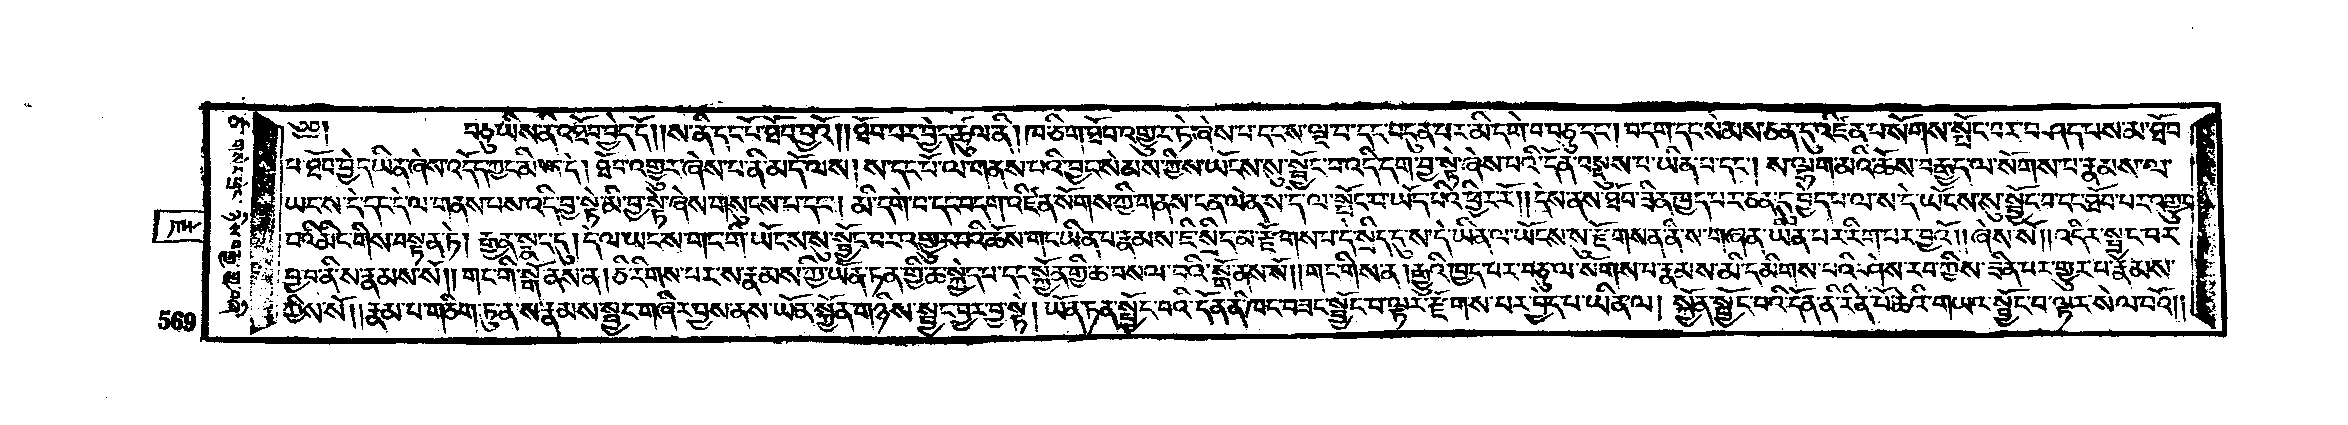༄༅། །བཅུ་ཡིས་ནི་འཐོབ་བྱེད་དོ། །ས་ནི་དང་པོ་ཐོབ་བྱའོ། །ཐོབ་པར་བྱེད་ཚུལ་ནི། ཁ་ཅིག་ཐོབ་འགྱུར་ཏེ་ཞེས་པ་དང་ས་ལྔ་པ་དང་བདུན་པར་མི་དགེ་བ་བཅུ་དང་། བདག་དང་སེམས་ཅན་དུ་འཛིན་པ་སོགས་སྤོང་བར་བཤད་པས་མ་ཐོབ་
པ་ཐོབ་བྱེད་ཡིན་ཞེས་འདོད་ཀྱང་མི་འཐད་དེ། ཐོབ་འགྱུར་ཞེས་པ་ནི་མདོ་ལས། ས་དང་པོ་ལ་གནས་པའི་བྱང་སེམས་ཀྱི་ས་ཡོངས་སུ་སྦྱོང་བ་འདི་དག་བྱ་སྟེ་ཞེས་པའི་དོན་བསྡུས་པ་ཡིན་པ་དང་། ས་ལྷག་མའི་ཆོས་བརྒྱད་ལ་སོགས་པ་རྣམས་ལ་
ཡང་ས་དེ་དང་དེ་ལ་གནས་པས་འདི་བྱ་སྟེ་མི་བྱ་སྟེ་ཞེས་གསུངས་པ་དང་། མི་དགེ་བ་དང་བདག་འཛིན་སོགས་ཀྱི་གནས་ངན་ལེན་ས་དེ་ལ་སྤོང་བ་ཡོད་པའི་ཕྱིར་རོ། །དེས་ནས་ཐོབ་ཟིན་ཁྱད་པར་ཅན་དུ་བྱེད་པ་ལ་ས་དེ་ཡོངས་སུ་སྦྱོང་བ་དང་ཐོབ་པར་འགྱུར་
བའི་མིང་གིས་བསྟན་ཏེ། རྒྱན་སྣང་དུ། དེ་ལ་ཡང་ས་གང་གི་ཡོངས་སུ་སྦྱོང་བར་འགྱུར་བའི་ཆོས་གང་ཡིན་པ་རྣམས་ཇི་སྲིད་མ་རྫོགས་པ་དེ་སྲིད་དུ་ས་དེ་ཡིན་ལ་ཡོངས་སུ་རྫོགས་ན་ནི་ས་གཞན་ཡིན་པར་རིག་པར་བྱའོ། །ཞེས་སོ། །འདིར་སྦྱང་བར་
བྱ་བ་ནི་ས་རྣམས་སོ། །གང་གི་སྒོ་ནས་ན། ཅི་རིགས་པར་ས་རྣམས་ཀྱི་ཡོན་ཏན་གྱི་ཆ་སྐྱེད་པ་དང་སྐྱོན་གྱི་ཆ་བསལ་བའི་སྒོ་ནས་སོ། །གང་གིས་ན། རྒྱུའི་ཁྱད་པར་བཅུ་ལ་སོགས་པ་རྣམས་མི་དམིགས་པའི་ཤེས་རབ་ཀྱིས་ཟིན་པར་གྱུར་པ་རྣམས་
ཀྱིས་སོ། །རྣམ་པ་གཅིག་ཏུ་ན་ས་རྣམས་སྦྱང་གཞིར་བྱས་ནས་ཡོན་སྐྱོན་གཉིས་སྦྱང་བྱར་བྱ་སྟེ། ཡོན་ཏན་སྦྱོང་བའི་དོན་ནི་ཁང་བཟང་སྦྱོང་བ་ལྟར་རྫོགས་པར་བྱེད་པ་ཡིན་ལ། སྐྱོན་སྦྱོང་བའི་དོན་ནི་རིན་པོ་ཆེའི་གཡའ་སྦྱོང་བ་ལྟར་སེལ་བའོ། །